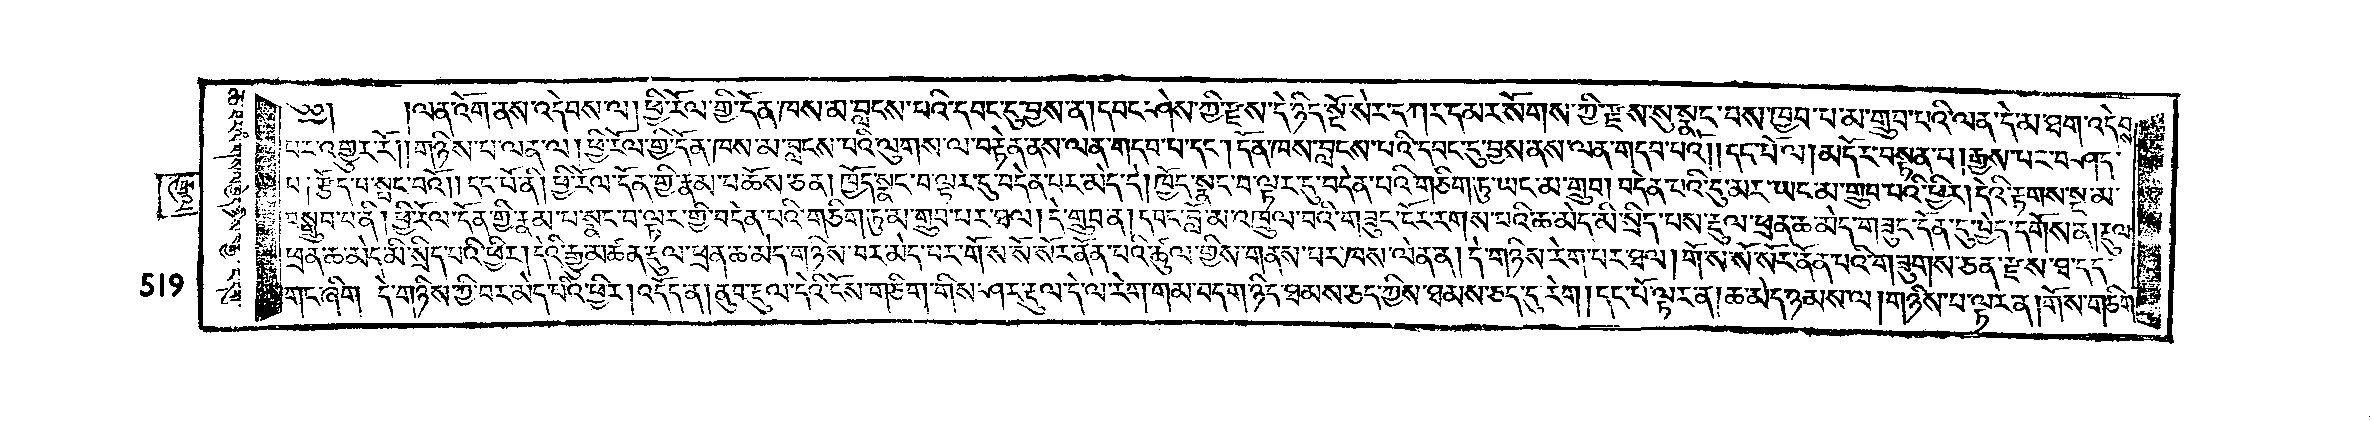༄༅། །ལན་འོག་ནས་འདེབས་ལ། ཕྱི་རོལ་གྱི་དོན་ཁས་མ་བླངས་པའི་དབང་དུ་བྱས་ན། དབང་ཤེས་ཀྱི་རྫས་དེ་ཉིད་སྔོ་སེར་དཀར་དམར་སོགས་ཀྱི་རྫས་སུ་སྣང་བས་ཁྱབ་པ་མ་གྲུབ་པའི་ལན་དེ་མ་ཐག་འདེབས་
པར་འགྱུར་རོ། །གཉིས་པ་ལན་ལ། ཕྱི་རོལ་གྱི་དོན་ཁས་མ་བླངས་པའི་ལུགས་ལ་བརྟེན་ནས་ལན་གདབ་པ་དང་། དོན་ཁས་བླངས་པའི་དབང་དུ་བྱས་ནས་ལན་གདབ་པའོ། །དང་པོ་ལ། མདོར་བསྟན་པ། རྒྱས་པར་བཤད་
པ། རྩོད་པ་སྤང་བའོ། །དང་པོ་ནི། ཕྱི་རོལ་དོན་གྱི་རྣམ་པ་ཆོས་ཅན། ཁྱོད་སྣང་བ་ལྟར་དུ་བདེན་པར་མེད་དེ། ཁྱོད་སྣང་བ་ལྟར་དུ་བདེན་པའི་གཅིག་ཏུ་ཡང་མ་གྲུབ། བདེན་པའི་དུ་མར་ཡང་མ་གྲུབ་པའི་ཕྱིར། དེའི་རྟགས་སྔ་མ་
བསྒྲུབ་པ་ནི། ཕྱི་རོལ་དོན་གྱི་རྣམ་པ་སྣང་བ་ལྟར་གྱི་བདེན་པའི་གཅིག་ཏུ་མ་གྲུབ་པར་ཐལ། དེ་གྲུབ་ན། དབང་བློ་མ་འཁྲུལ་བའི་གཟུང་ངོར་རགས་པའི་ཆ་མེད་མི་སྲིད་པས་རྡུལ་ཕྲན་ཆ་མེད་གཟུང་དོན་དུ་བྱེད་དགོས་ན། རྡུལ་
ཕྲན་ཆ་མེད་མི་སྲིད་པའི་ཕྱིར། དེའི་རྒྱུ་མཚན་རྡུལ་ཕྲན་ཆ་མེད་གཉིས་བར་མེད་པར་གོ་ས་སོ་སོར་ནོན་པའི་ཚུལ་གྱིས་གནས་པར་ཁས་ལེན་ན། དེ་གཉིས་རེག་པར་ཐལ། གོ་ས་སོ་སོར་ནོན་པའི་གཟུགས་ཅན་རྫས་ཐ་དད་
གང་ཞིག་དེ་གཉིས་ཀྱི་བར་མེད་པའི་ཕྱིར། འདོད་ན། ནུབ་རྡུལ་དེའི་ངོས་གཅིག་གིས་ཤར་རྡུལ་དེ་ལ་རེག་གམ་བདག་ཉིད་ཐམས་ཅད་ཀྱིས་ཐམས་ཅད་དུ་རེག །དང་པོ་ལྟར་ན། ཆ་མེད་ཉམས་ལ། གཉིས་པ་ལྟར་ན། གོ་ས་གཅིག་